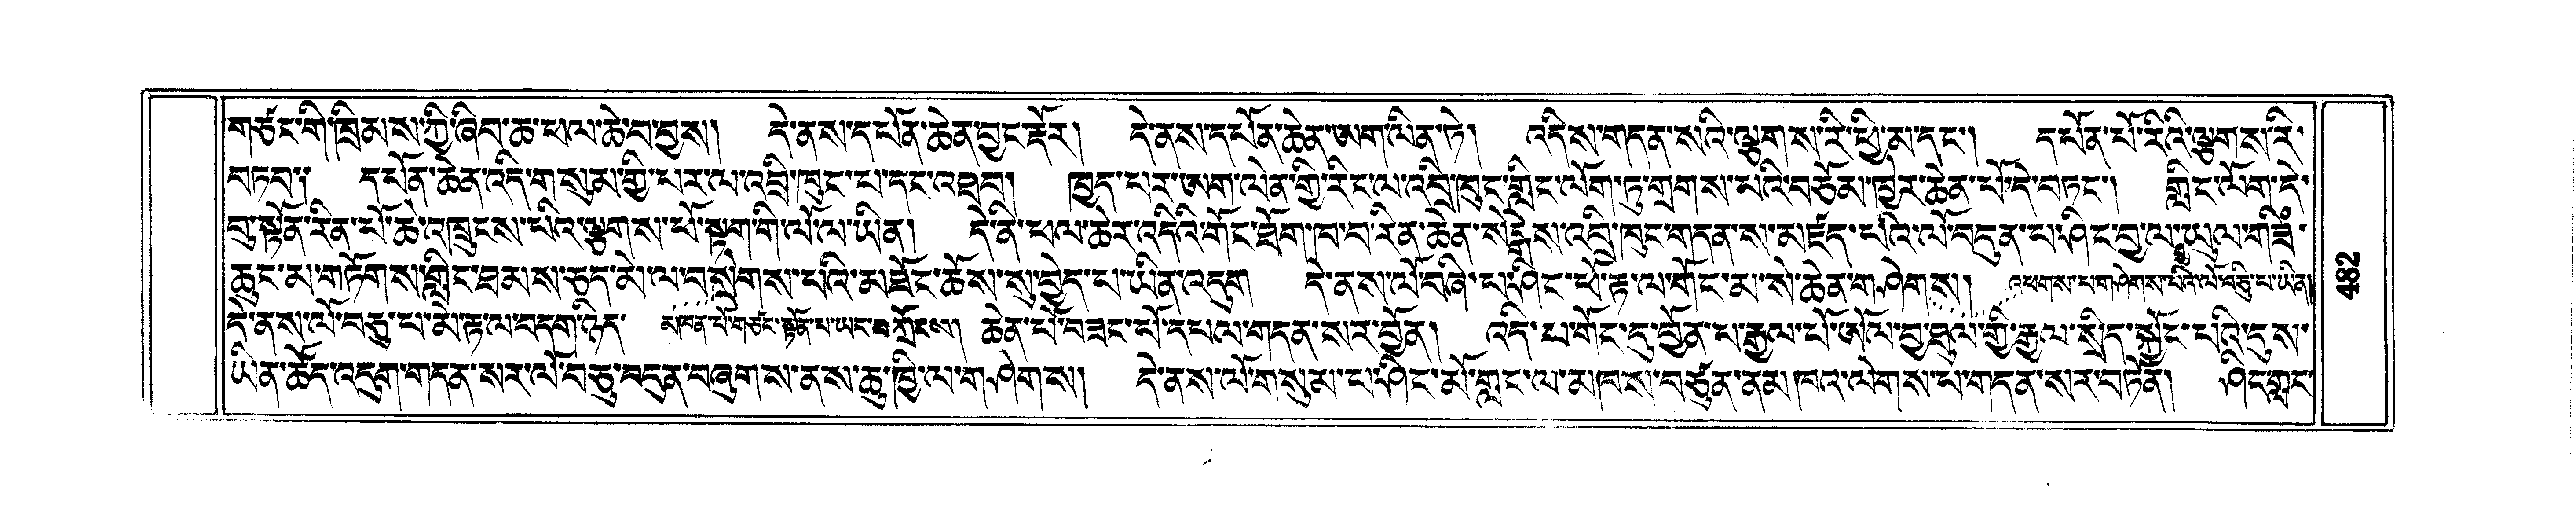གཙང་གི་ཁྲིམས་ཀྱི་ཞིབ་ཆ་ཕལ་ཆེ་བ་བྱས། དེ་ནས་དཔོན་ཆེན་བྱང་རྡོར། དེ་ནས་དཔོན་ཆེན་ཨག་ལིན་ཏེ། འདིས་གདན་སའི་ལྕགས་རི་ཕྱི་མ་དང་། དཔོན་པོ་རིའི་ལྕགས་རི་
བཏབ༑ དཔོན་ཆེན་འདི་གསུམ་གྱི་པར་ལ་འབྲི་ཁུང་པ་དང་འཐབ། ཁྱད་པར་ཨག་ལེན་གྱི་རིང་ལ་འབྲི་ཁུང་གླིང་ལོག་ཏུ་གྲགས་པའི་བཅོམ་ཁྱེར་ཆེན་པོ་དེ་བཏང་། གླིང་ལོག་དེ་
བུ་སྟོན་རིན་པོ་ཆེ་འཁྲུངས་པའི་ལྕགས་ཕོ་སྟག་གི་ལོ་ལ་ཡིན། དེ་ནི་ཕལ་ཆེར་འདིའི་གོང་ཐོག་ཁ་བ་རིན་ཆེན་སེངྒེས་འབྲི་ཁུང་གདན་ས་མཛད་པའི་ལོ་བདུན་པ་ཤིང་བྱ་ལ་བྱ་ཡུལ་གཟིཾ་
ཆུང་མ་གཏོགས་གླིང་ཐམས་ཅད་མེ་ལ་བསྲེགས་པའི་མཐོང་ཆོས་སུ་བྱེད་པ་ཡིན་འདུག་དེ་ནས་ལོ་བཞི་པ་ཤིང་ཕོ་རྟ་ལ་གོང་མ་སེ་ཆེན་གཤེགས། འཕགས་པ་གཤེགས་པའི་ལོ་བཅུཨི་པ་ཡིན།
དེ་ནས་ལོ་བཅུ་པ་མེ་རྟ་ལ་བདག་ཉིད་མཁན་པོ་གཙང་སྟོན་པ་ཡང་བཀྲོངས།  ཆེན་པོ་བཟང་པོ་དཔལ་གདན་སར་བྱོན། འདི་པ་གོང་དུ་བྱོན་པ་རྒྱལ་པོ་ཨོལ་བྱ་ཐུལ་གྱི་རྒྱལ་སྲིད་སྐྱོང་པའི་དུས་
ཡིན་ཚོད་འདུག་གདན་སར་ལོ་བཅུ་བདུན་བཞུགས་ནས་ཆུ་ཁྱི་ལ་གཤེགས། དེ་ནས་ལོ་གསུམ་པ་ཤིང་མོ་གླང་ལ་མཁས་བཙུན་ནམཁའ་ལེགས་པ་གདན་སར་བཏོན། ཤིང་གླང་